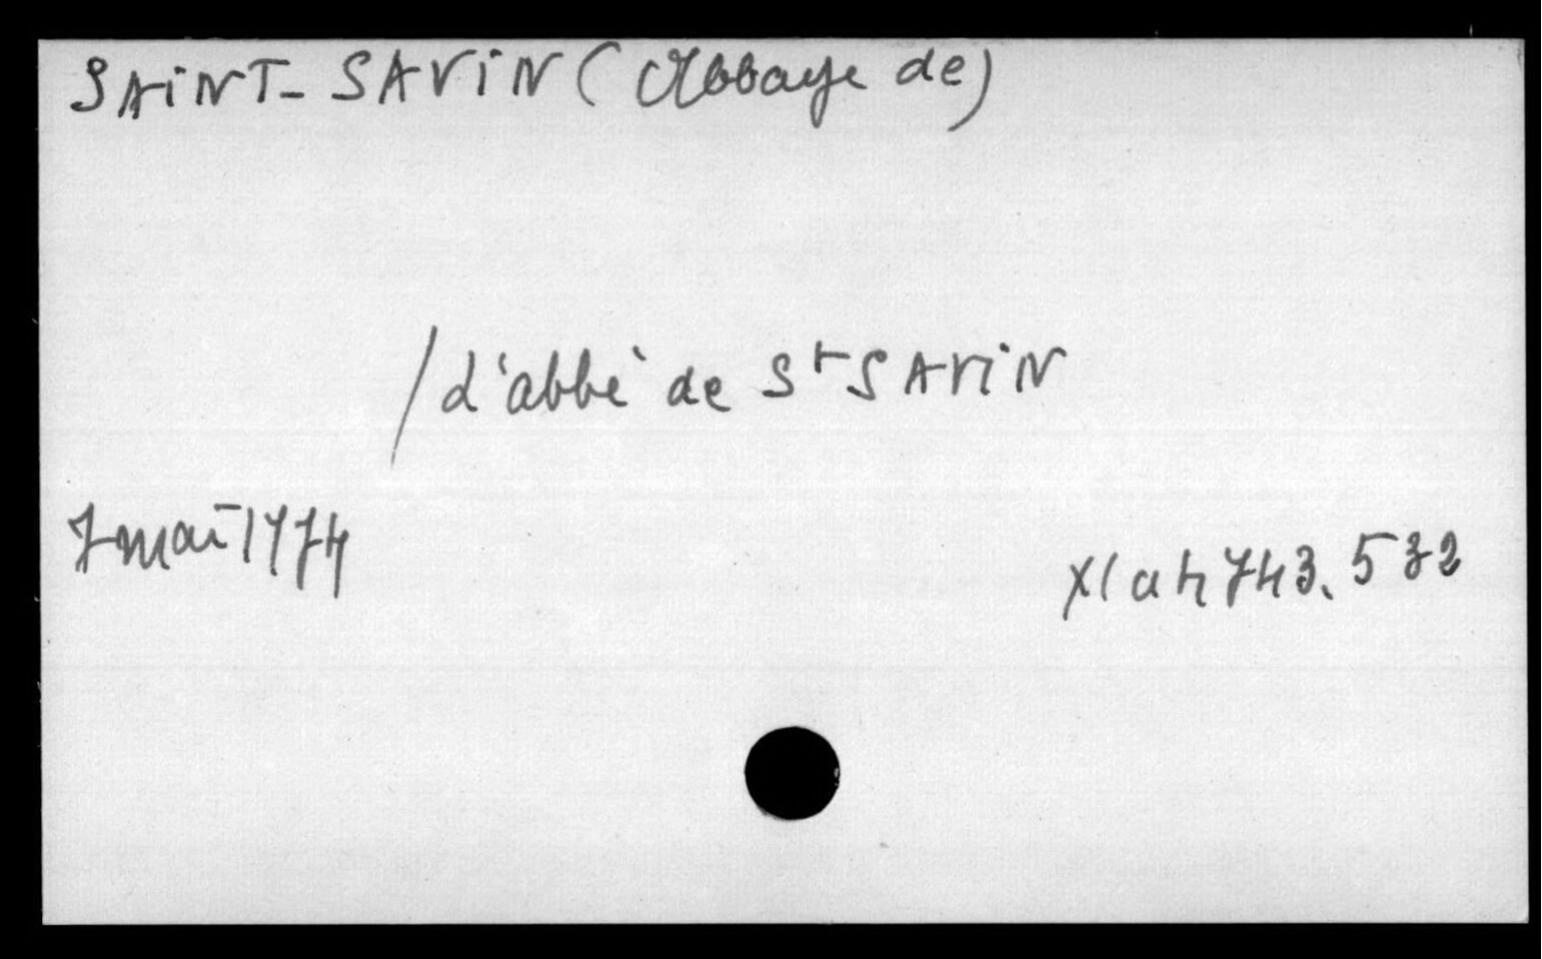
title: SAINT-SAVIN (Abbaye de)
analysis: Contre l'abbé de SAINT-SAVIN
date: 7 mai 1774
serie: X1a
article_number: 4743
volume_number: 532
